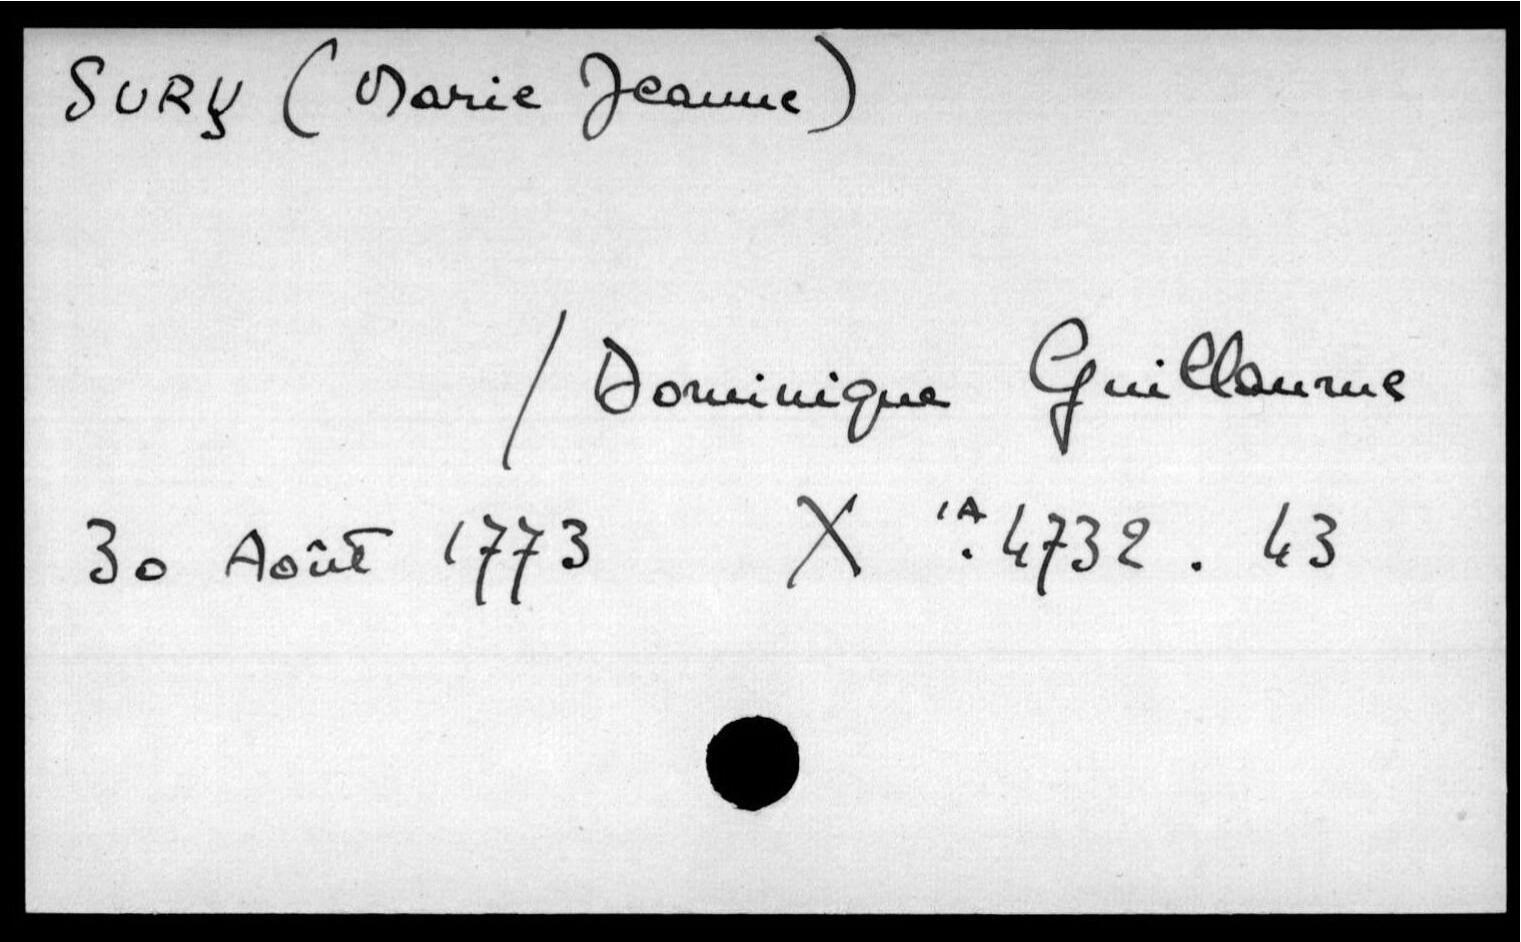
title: SURY (Marie Jeanne)
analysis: Contre Dominique Guillaume
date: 30 août 1773
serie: X1A
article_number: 4732
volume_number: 43
